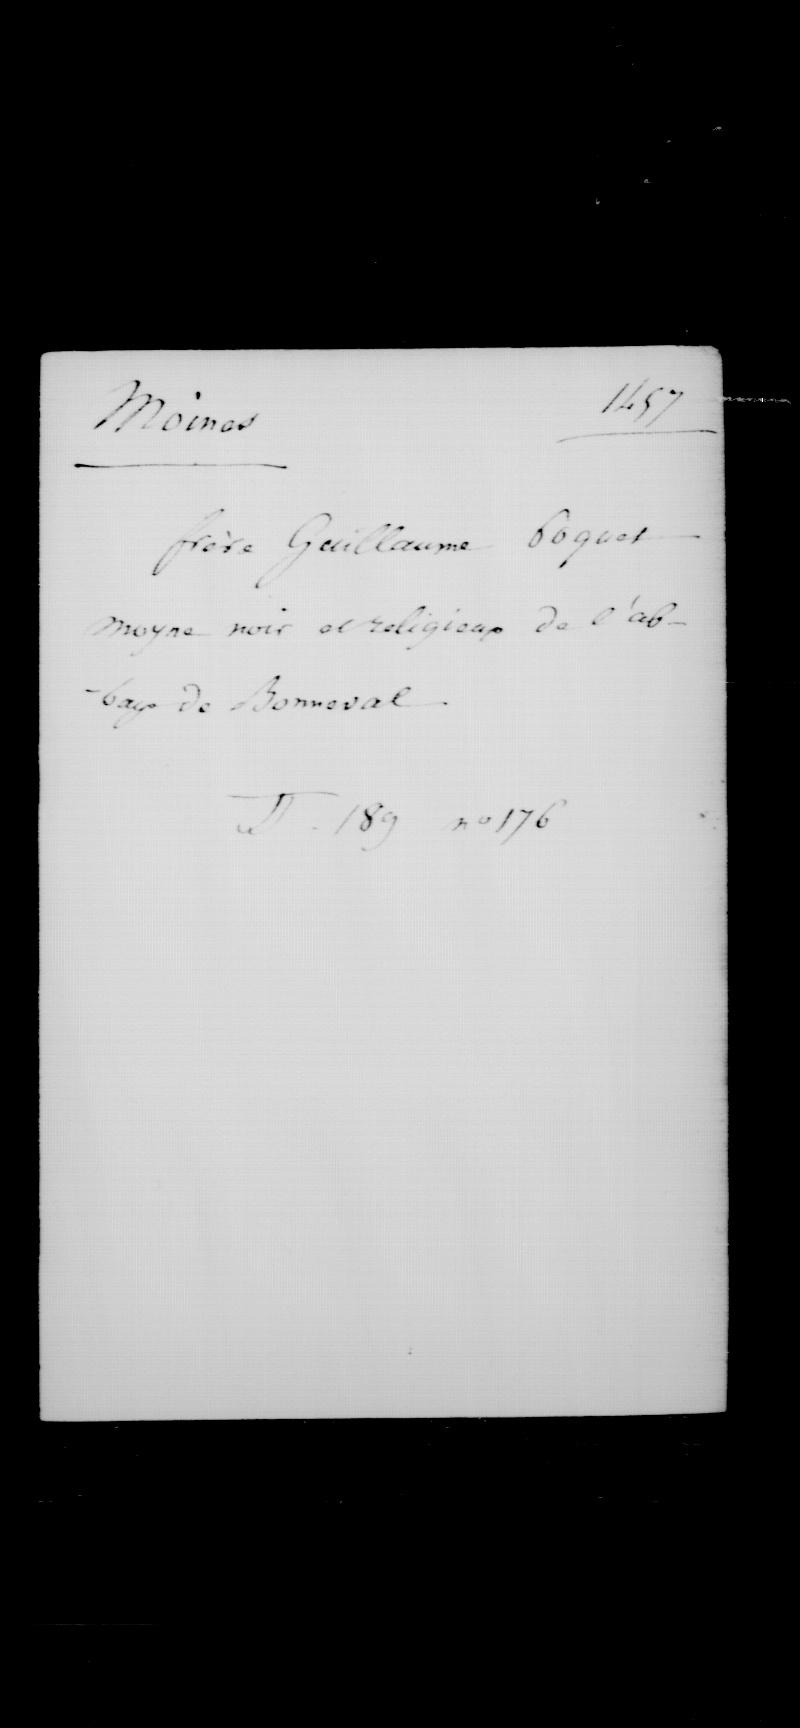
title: Moines
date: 1457
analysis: frère Guillaume Poquet moyne noir et religieux de l'abbaye de Bonneval
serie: JJ
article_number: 189
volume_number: n° 176
